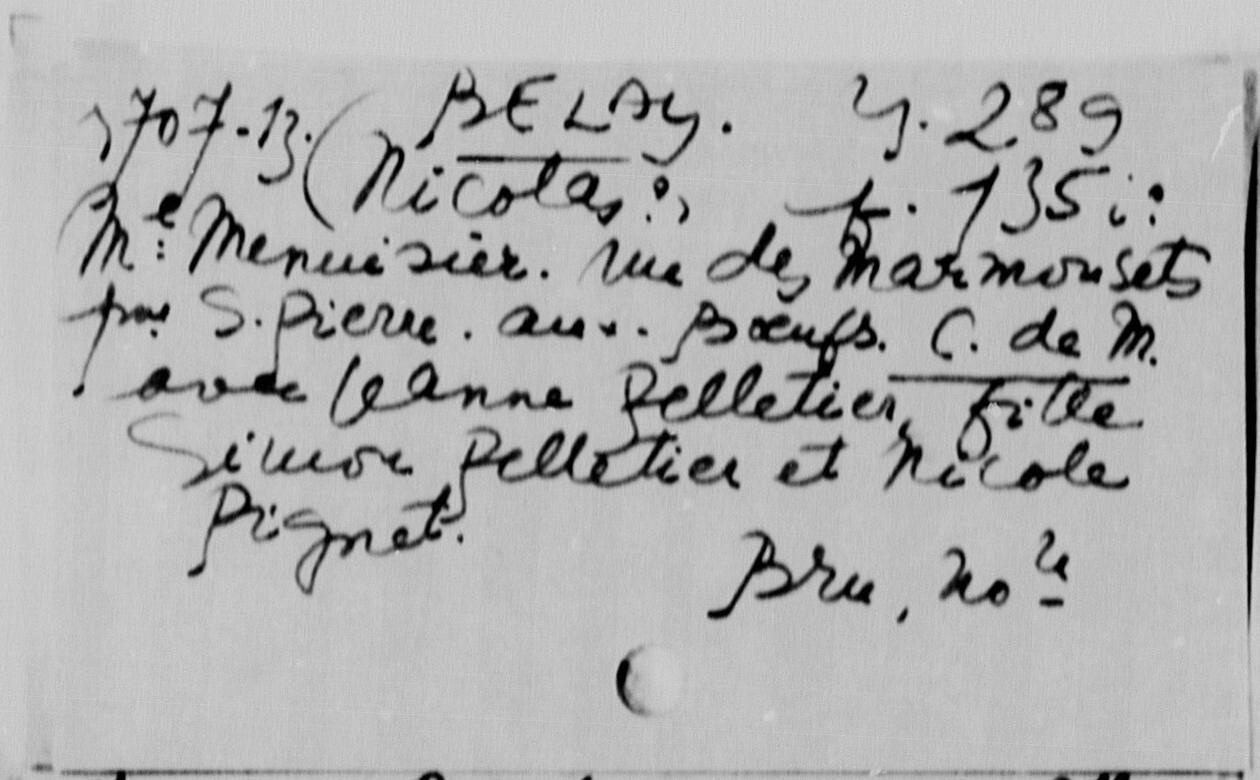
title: BELAY (Nicolas)
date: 1707-1713
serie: Y
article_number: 289
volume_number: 135v
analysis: Maître Menuisier, rue des Marmousets, paroisse Saint-Pierre-aux-Bœufs Contrat de mariage avec Jeanne Pelletier, fille Simon PELLETIER et Nicole Pignet. Bru, notaire.
